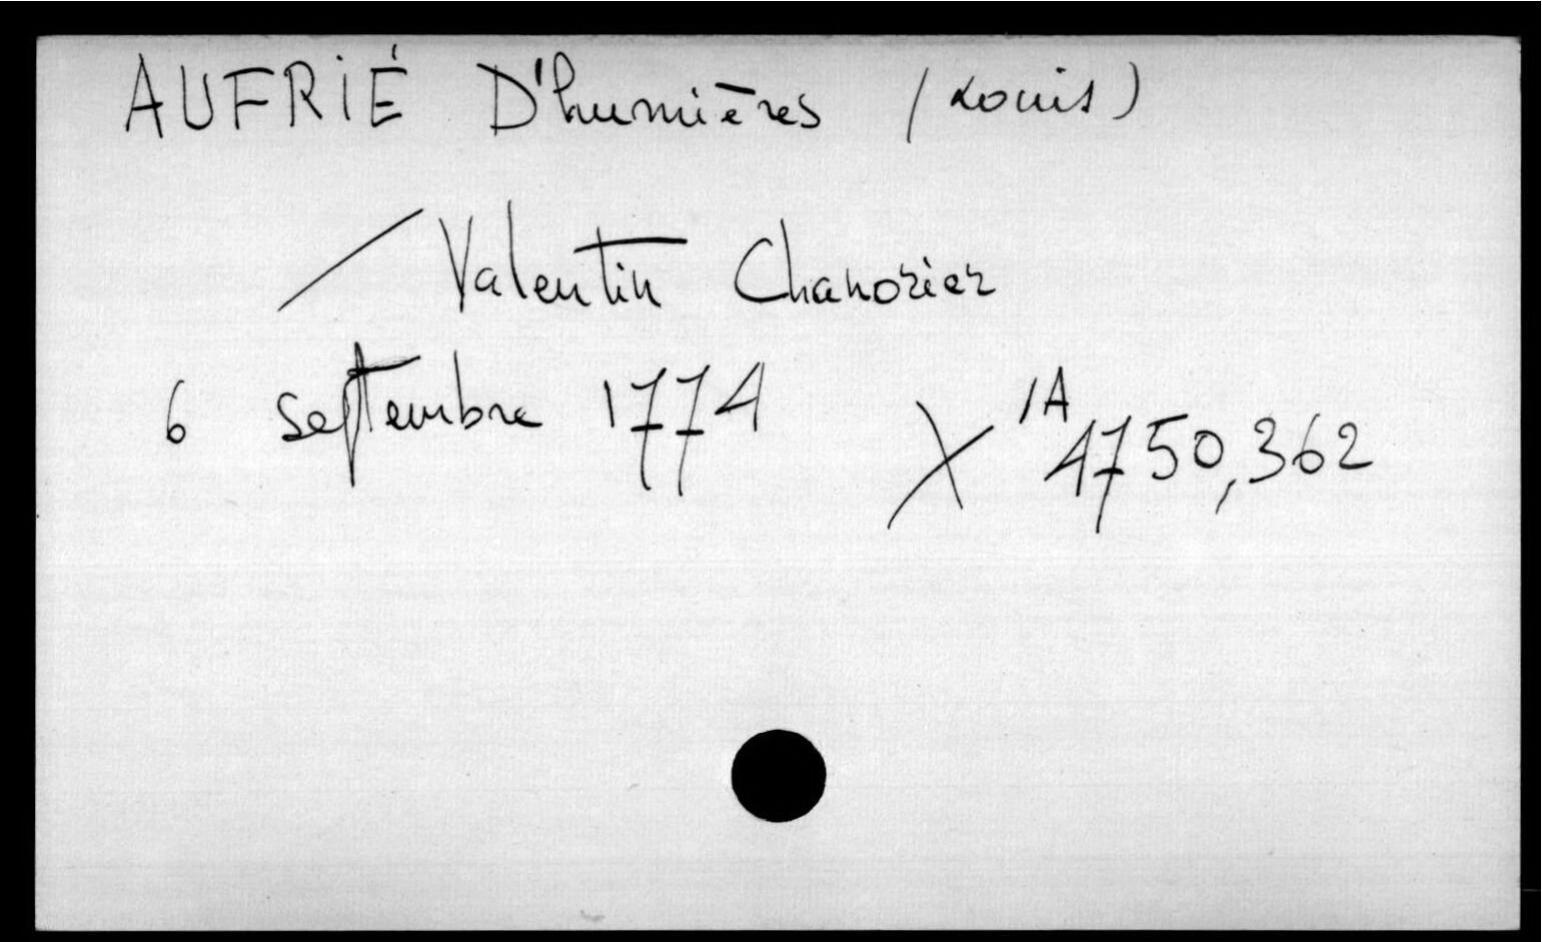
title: AUFRIÉ D'humières (Louis)
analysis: Contre Valentin Chanorier
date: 6 septembre 1774
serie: X1A
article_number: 4750
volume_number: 362
